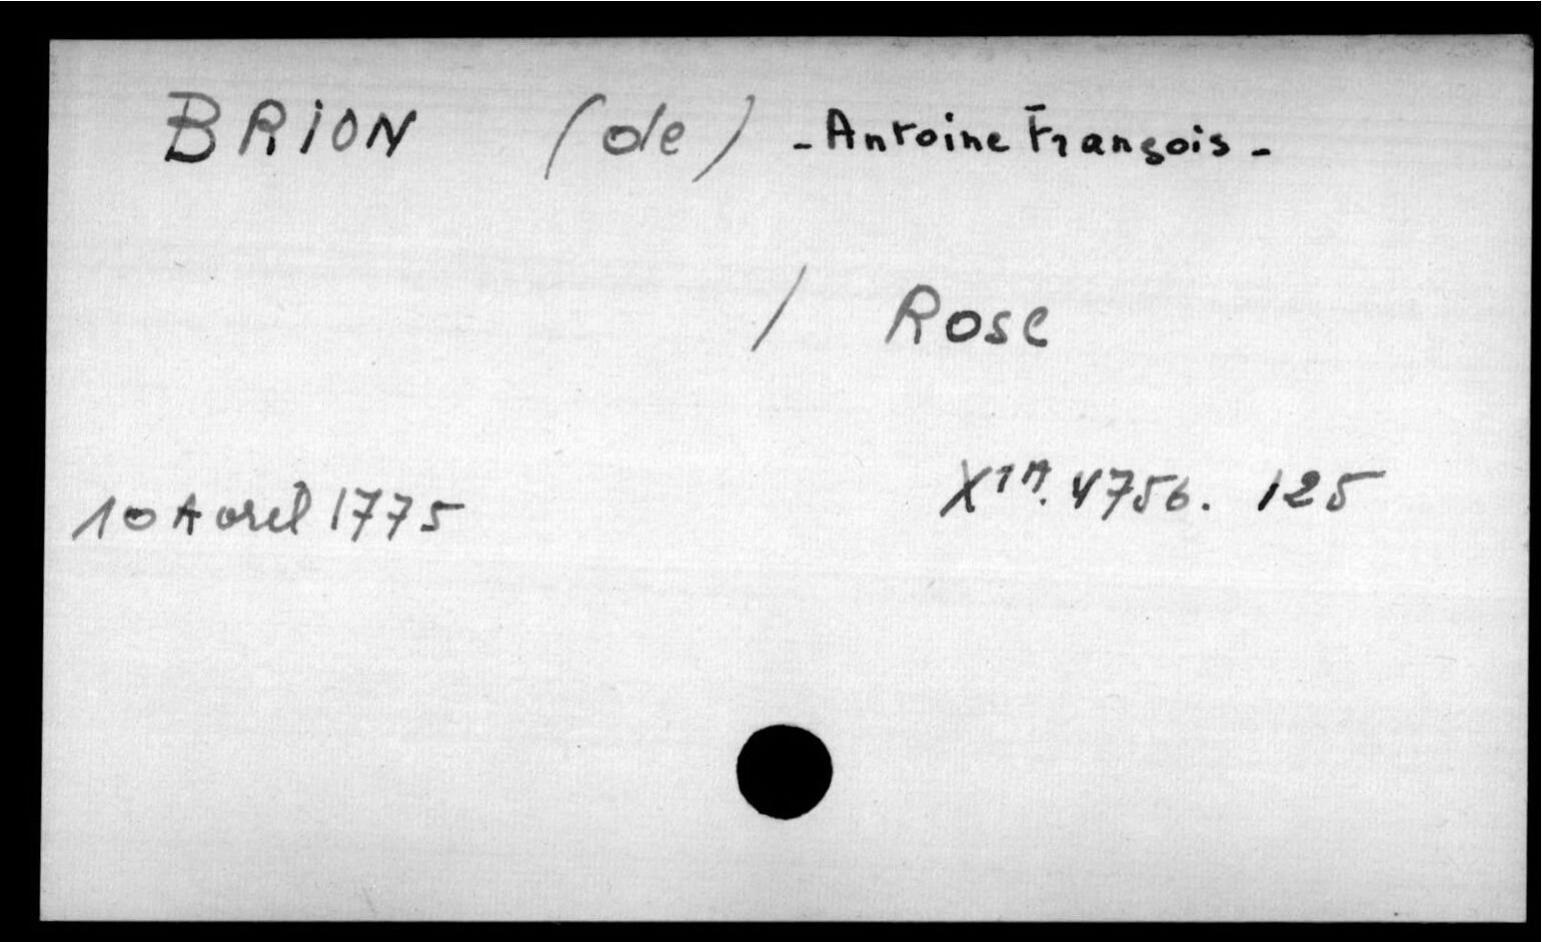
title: BRION (de) Antoine François
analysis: Contre Rose
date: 10 avril 1775
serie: X1A
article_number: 4756
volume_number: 125
